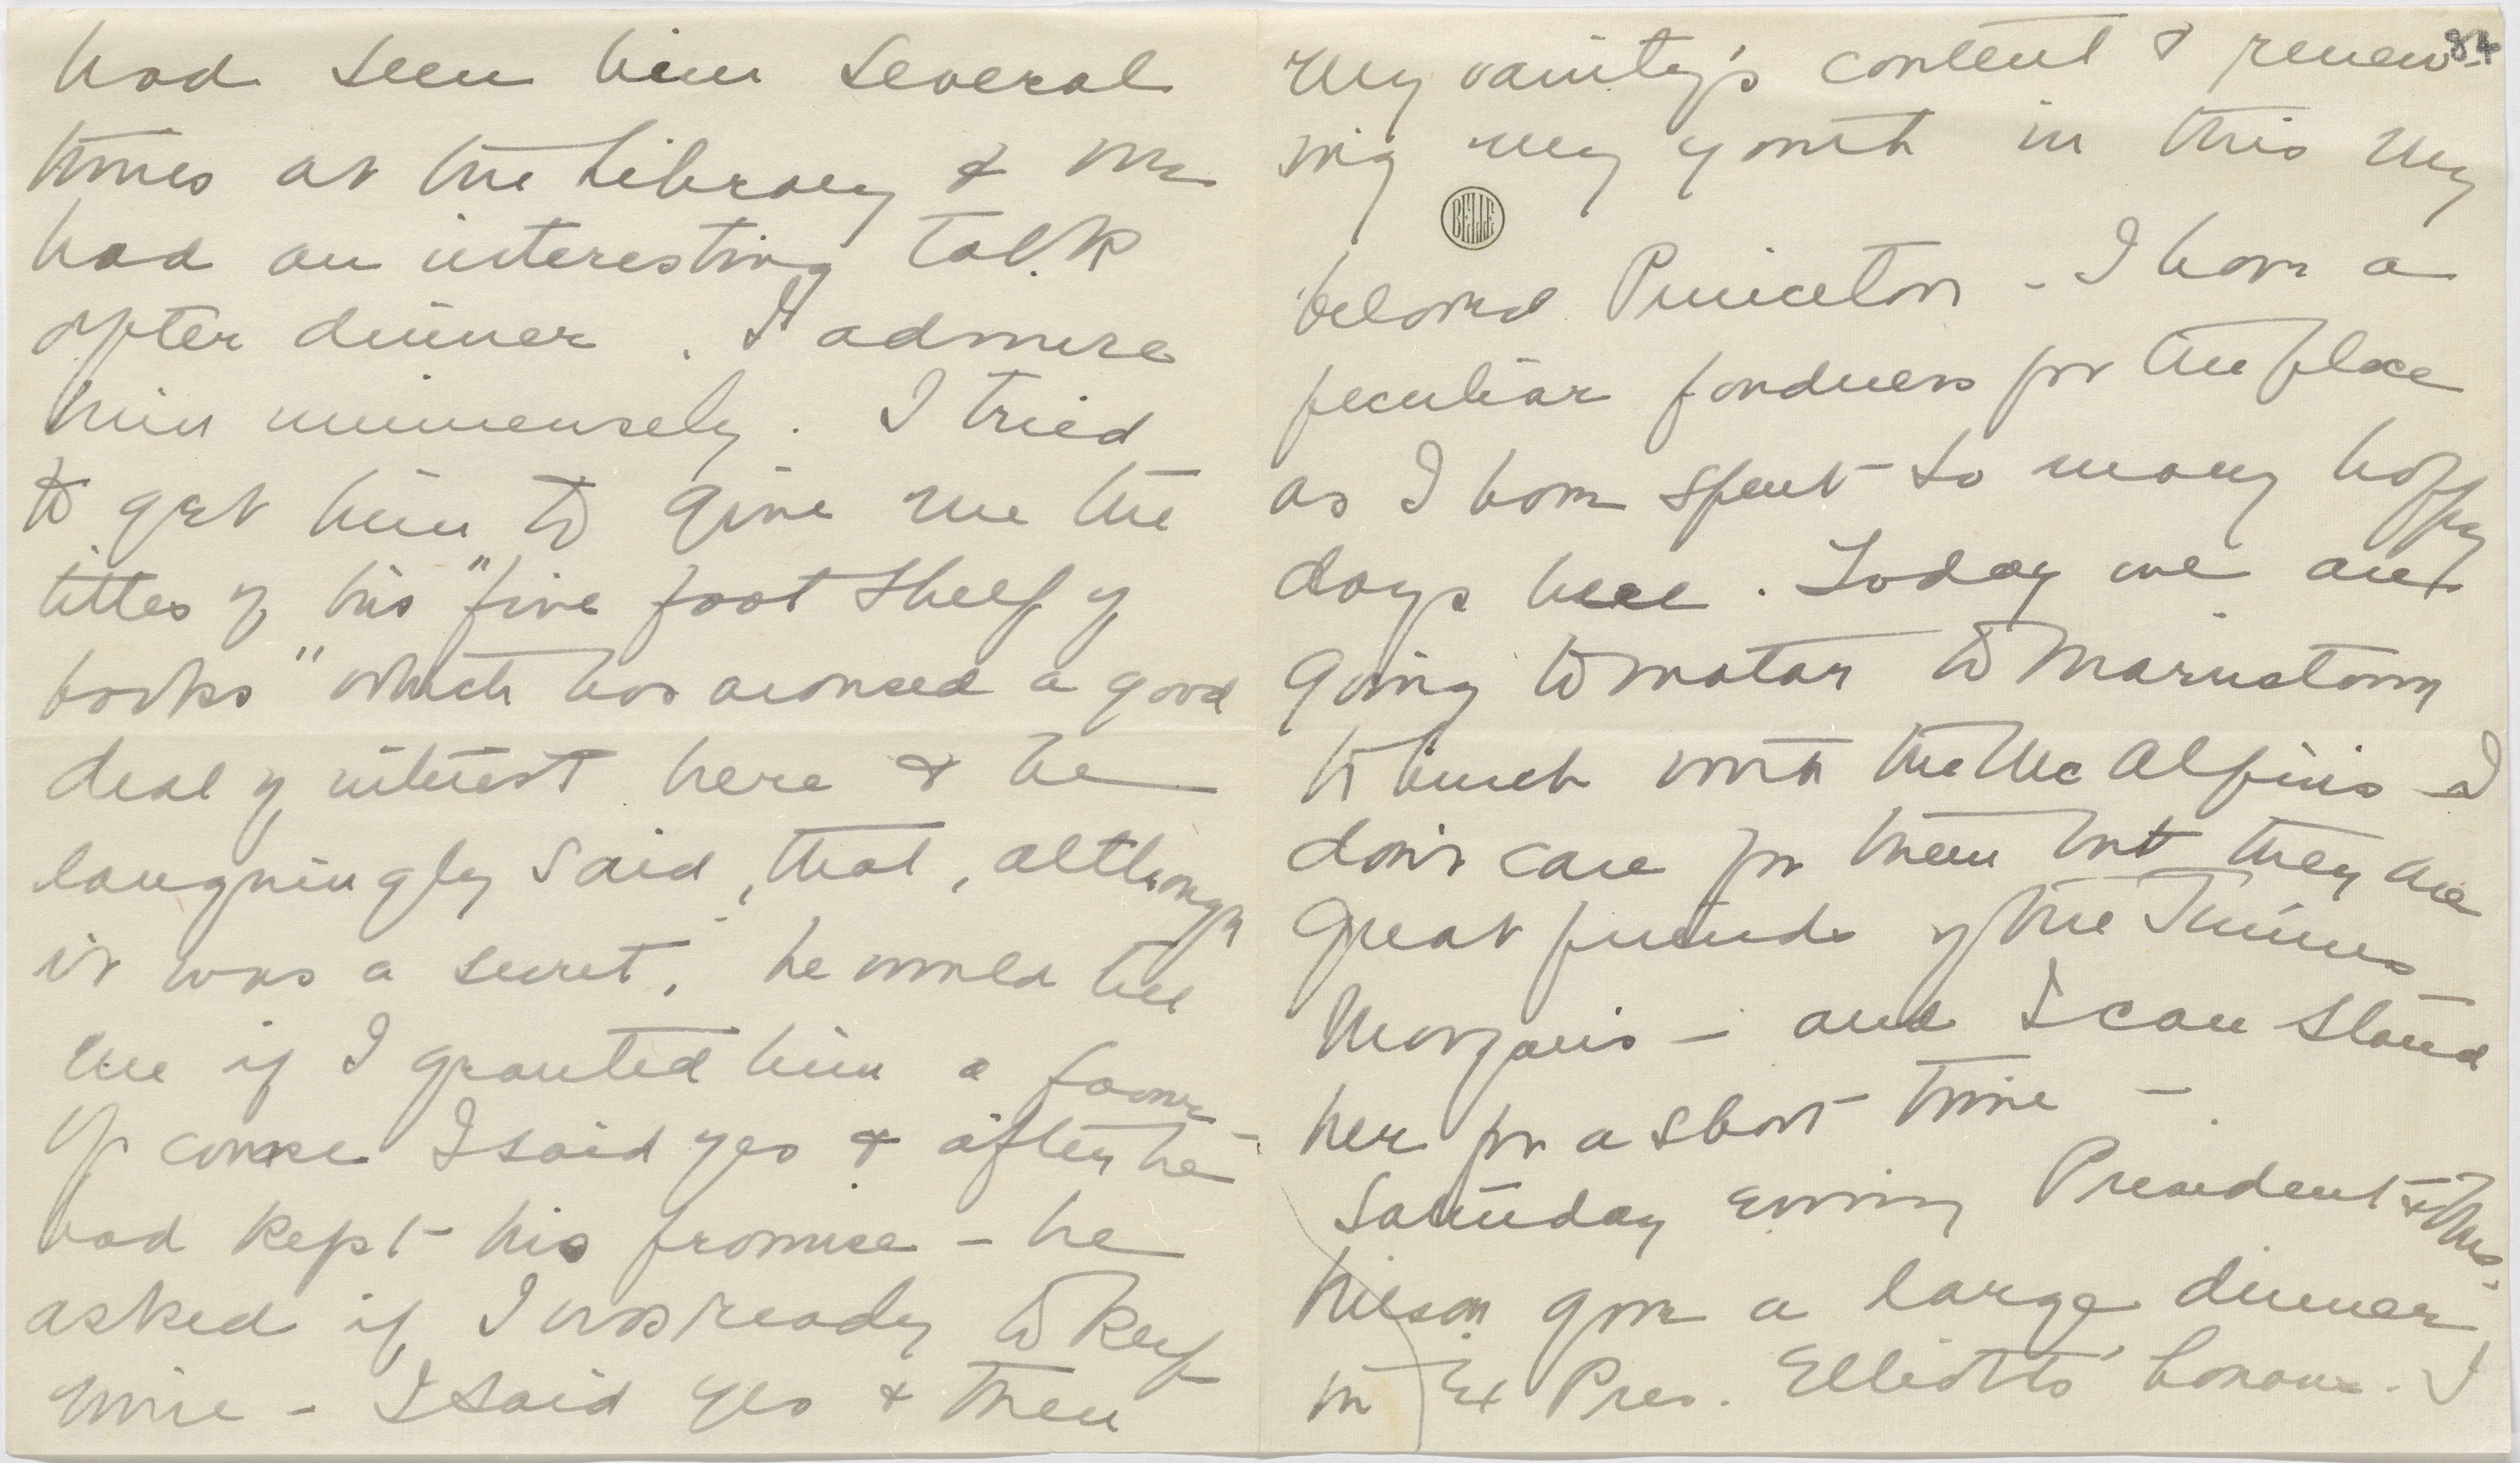my vanity’s content & renewing my youth in this my beloved Princeton – I have a peculiar fondness for the place as I have spent so many happy days here. Today we are going to motor to Morristown to lunch with the McAlpins – I don’t care for them but they are great friends of the Junius Morgans’ – and I can stand her for a short time –
Saturday evening President & Mrs. Wilson gave a large dinner in Ex Pres. Elliott’s [sic] honour. I
had seen him several times at the Library & we had an interesting talk after dinner. I admire him immensely. I tried to get him to give me the titles of his “five foot shelf of books” which has aroused a good deal of interest here & he laughingly said, that, although it was a secret, he would tell me if I granted him a favour – Of course I said yes & after he had kept his promise – he asked if I was ready to keep mine – I said yes & then